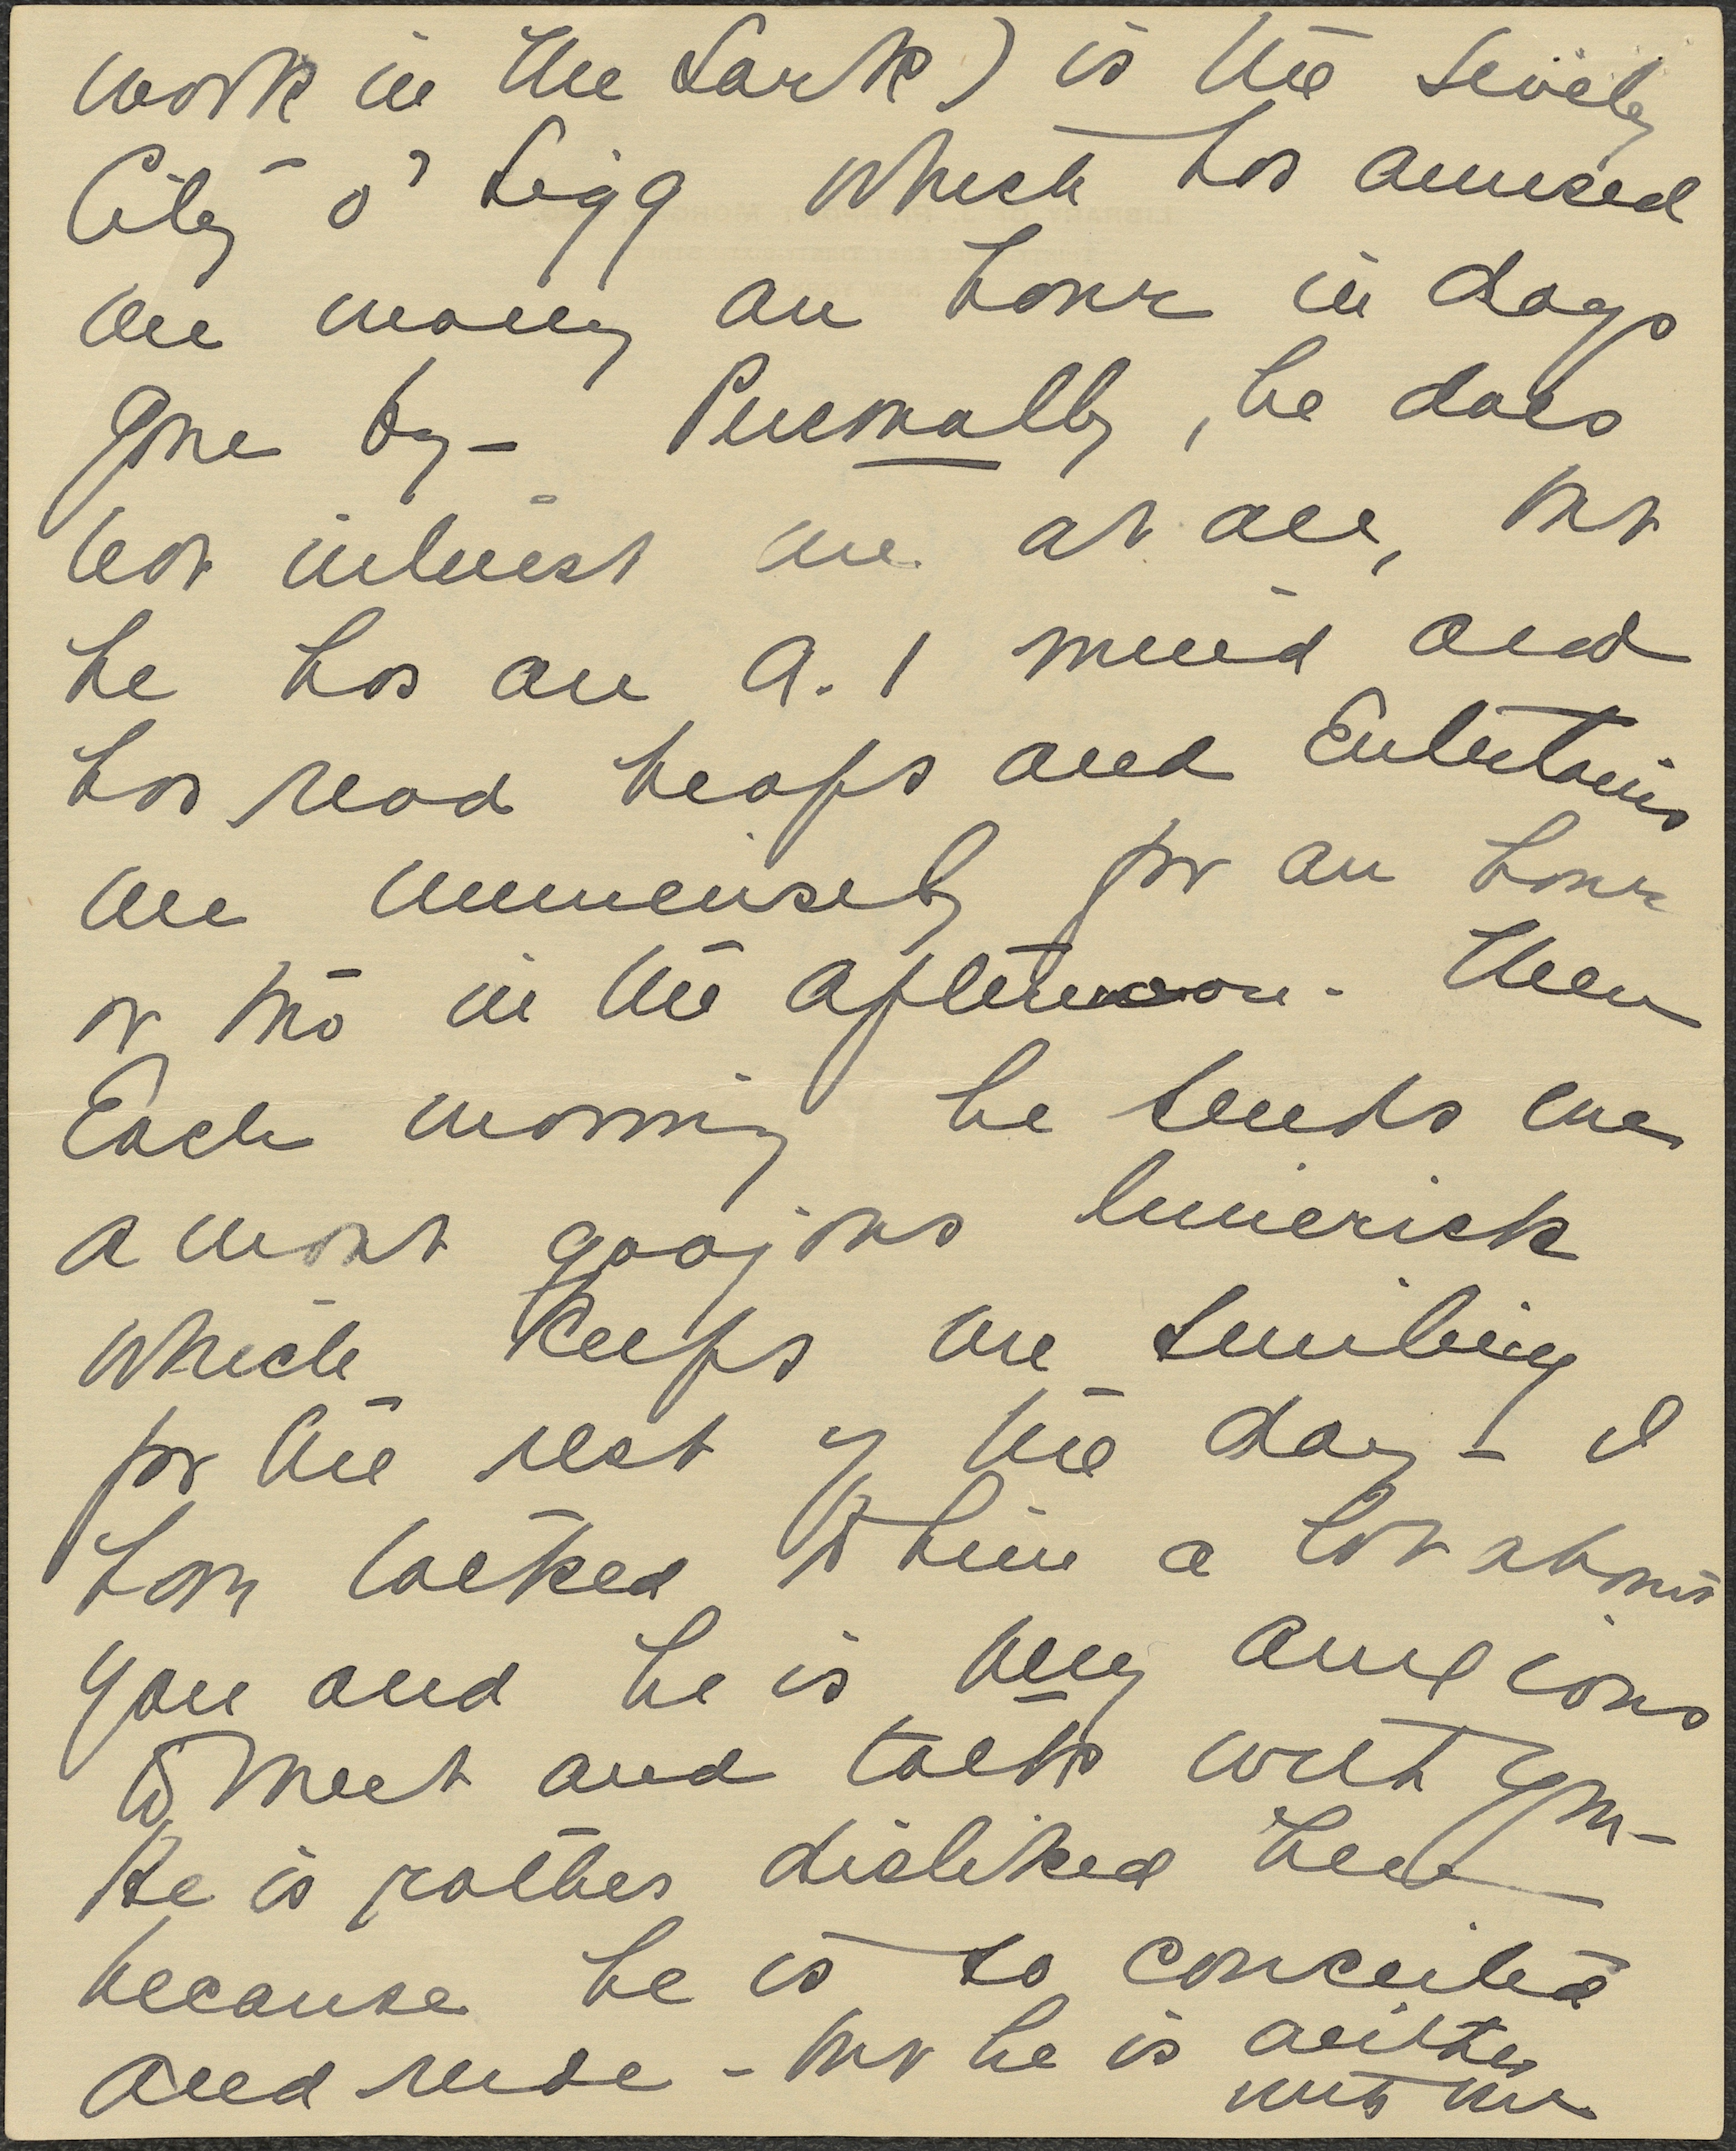work in the Lark) is the Lively City O’ Ligg which has amused me many an hour in days gone by – Personally, he does not interest me at all, but he has an A.1 mind and has read heaps and entertains me immensely for an hour or two in the afternoon. Then each morning he sends me a most goojous [sic] limerick which keeps me smiling for the rest of the day – I have talked to him a lot about you and he is very anxious to meet and talk with you – He is rather disliked here – because he is so conceited and rude – but he is neither with me